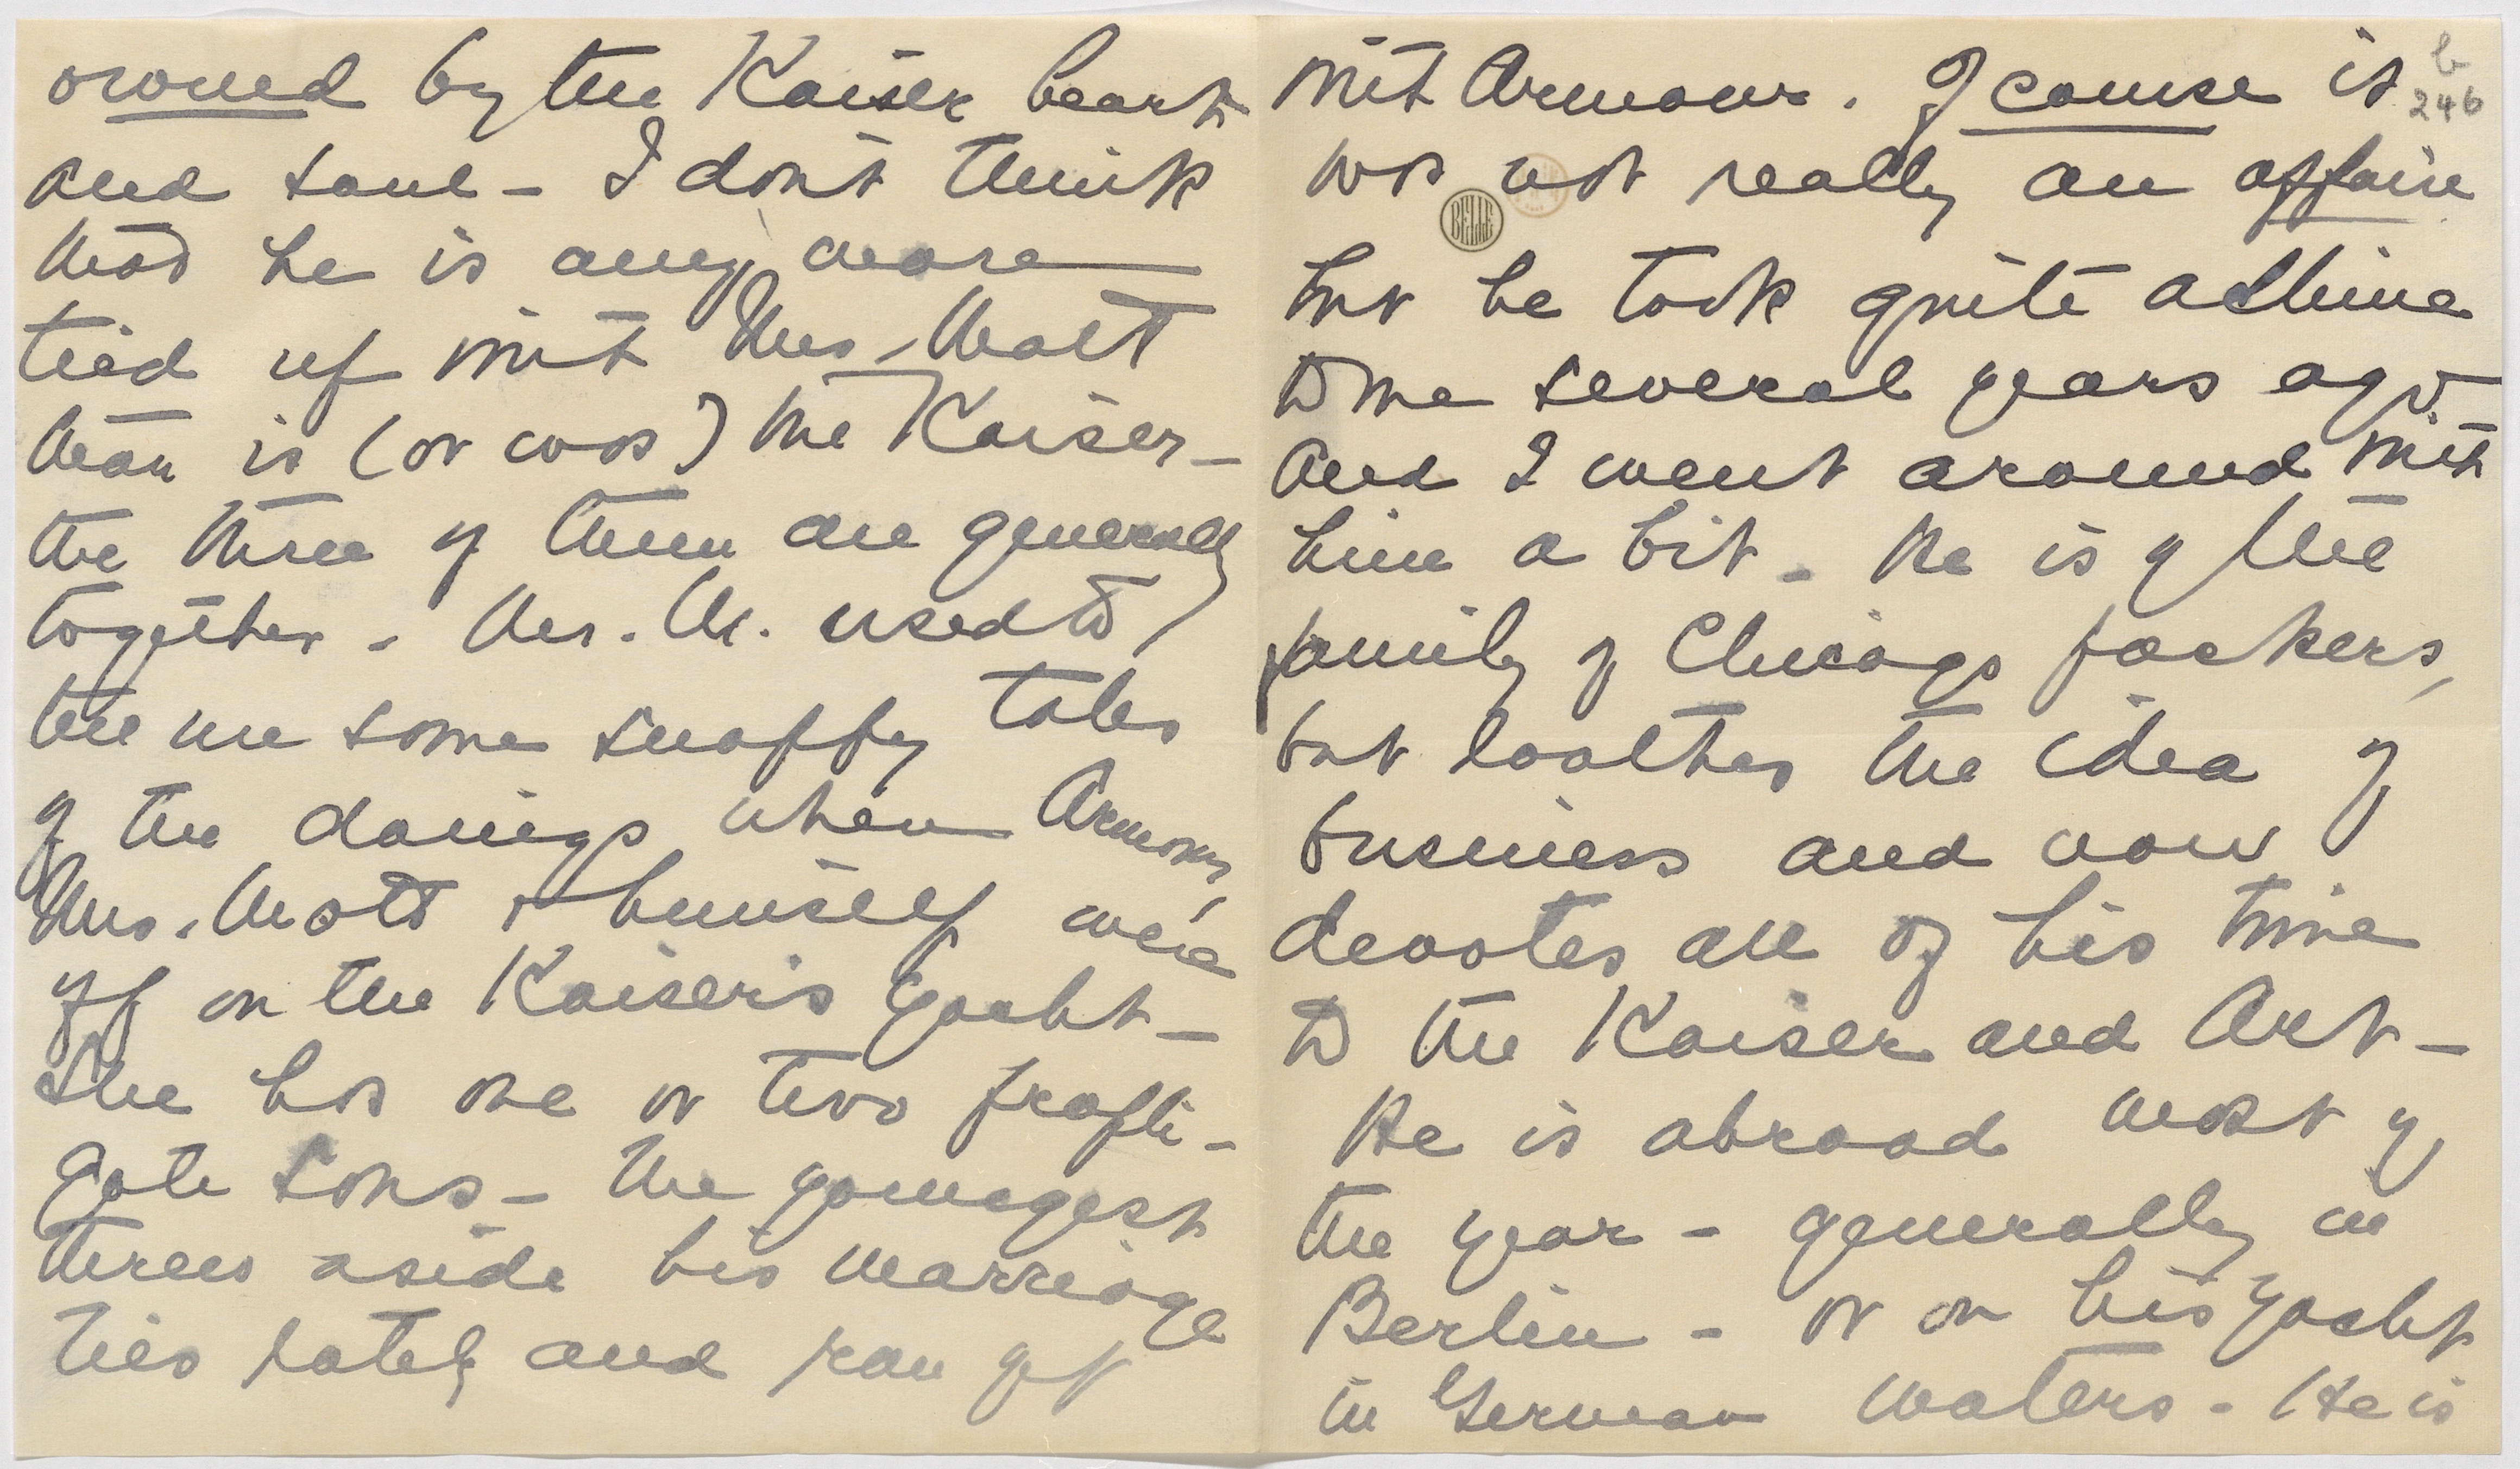with Armour. of course it was not really an affaire but he took quite a shine to me several years ago and I went around with him a bit – He is of the family of Chicago packers, but loathes the idea of business and now devotes all of his time to the Kaiser and art – He is abroad most of the year – generally in Berlin – or on his yacht in German waters – He is
owned by the Kaiser heart and soul – I don’t think that he is any more tied up with Mrs. Mott than is (or was) the Kaiser – the three of them are generally together – Mr. M. used to tell me some snappy tales of the doings when Armour, Mrs. Mott & himself were off on the Kaiser’s yacht – she has one or two profligate sons – the youngest threw aside his marriage ties lately and ran off